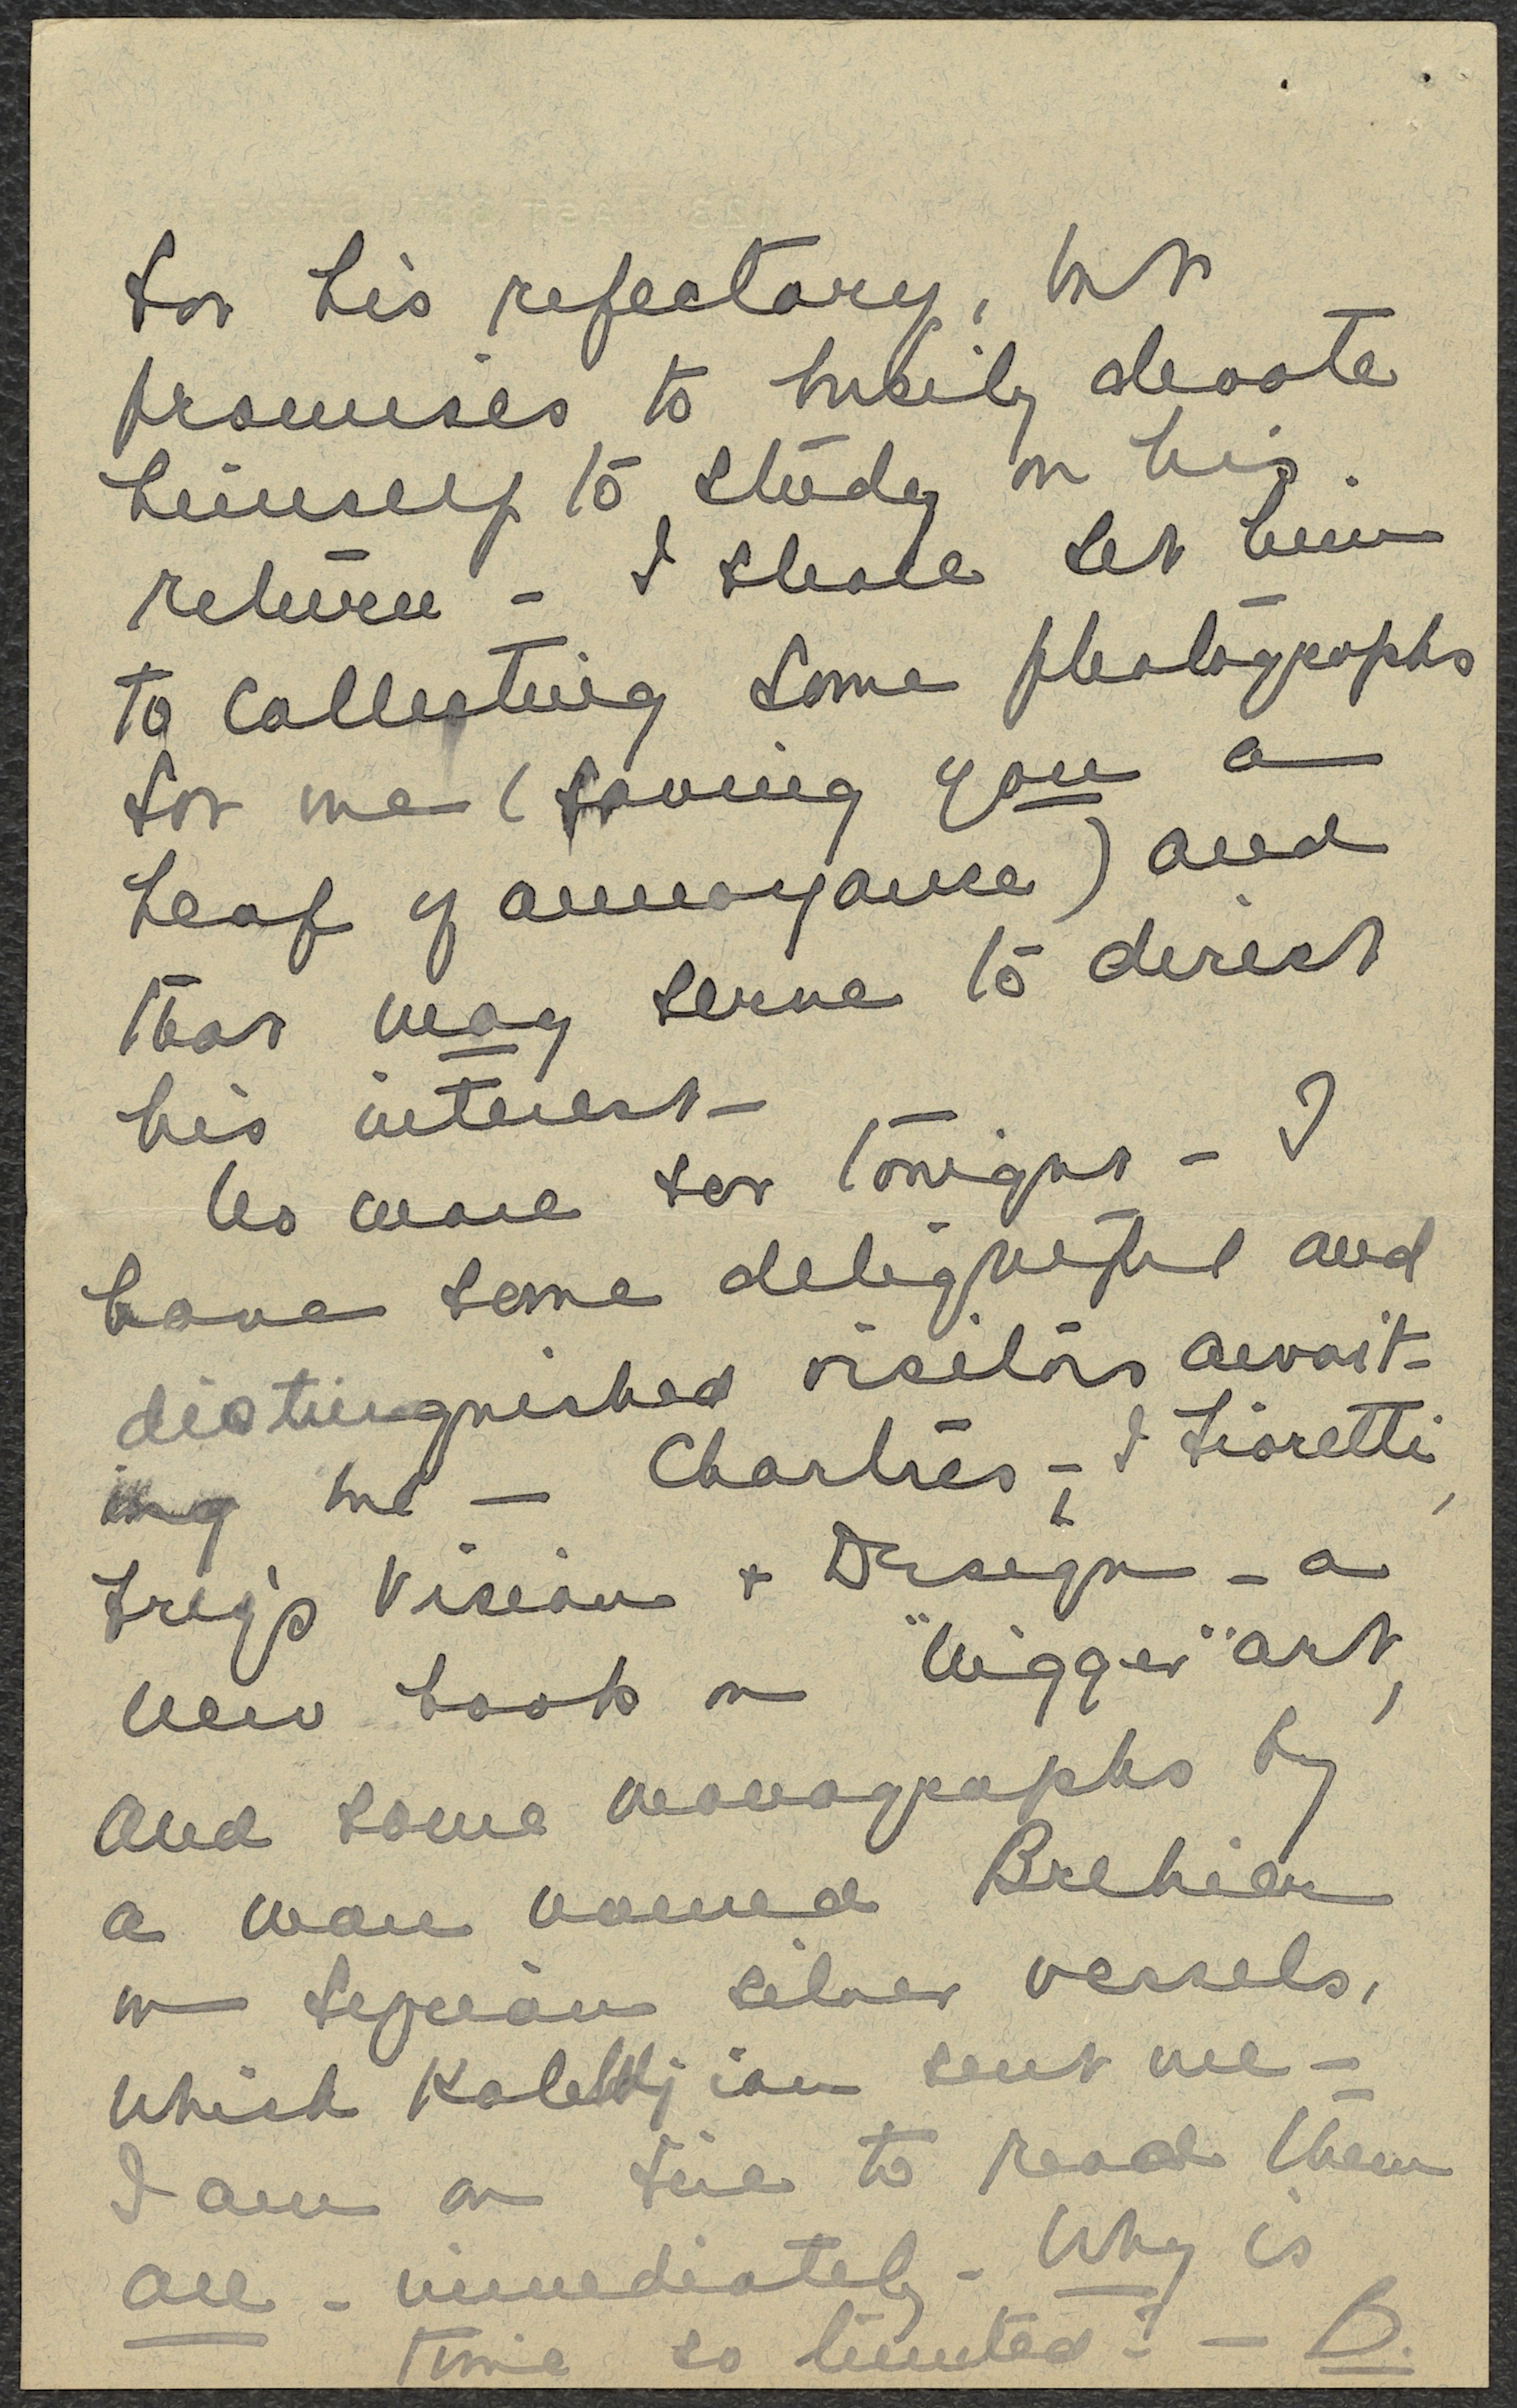for his refectory, but promises to busily devote himself to study on his return – I shall set him to collecting some photographs for me (saving you a heap of annoyance) and that may serve to direct his interest –
No more for tonight – I have some delightful and distinguished visitors awaiting me – Chartres – I Fioretti, Fry’s Vision & Design – a new book on “Nigger” art, and some monographs by a man named Brehier on Syrian silver vessels, which Kalettyian [?] sent me – I am on fire to read them all – immediately – Why is time so limited? – B.